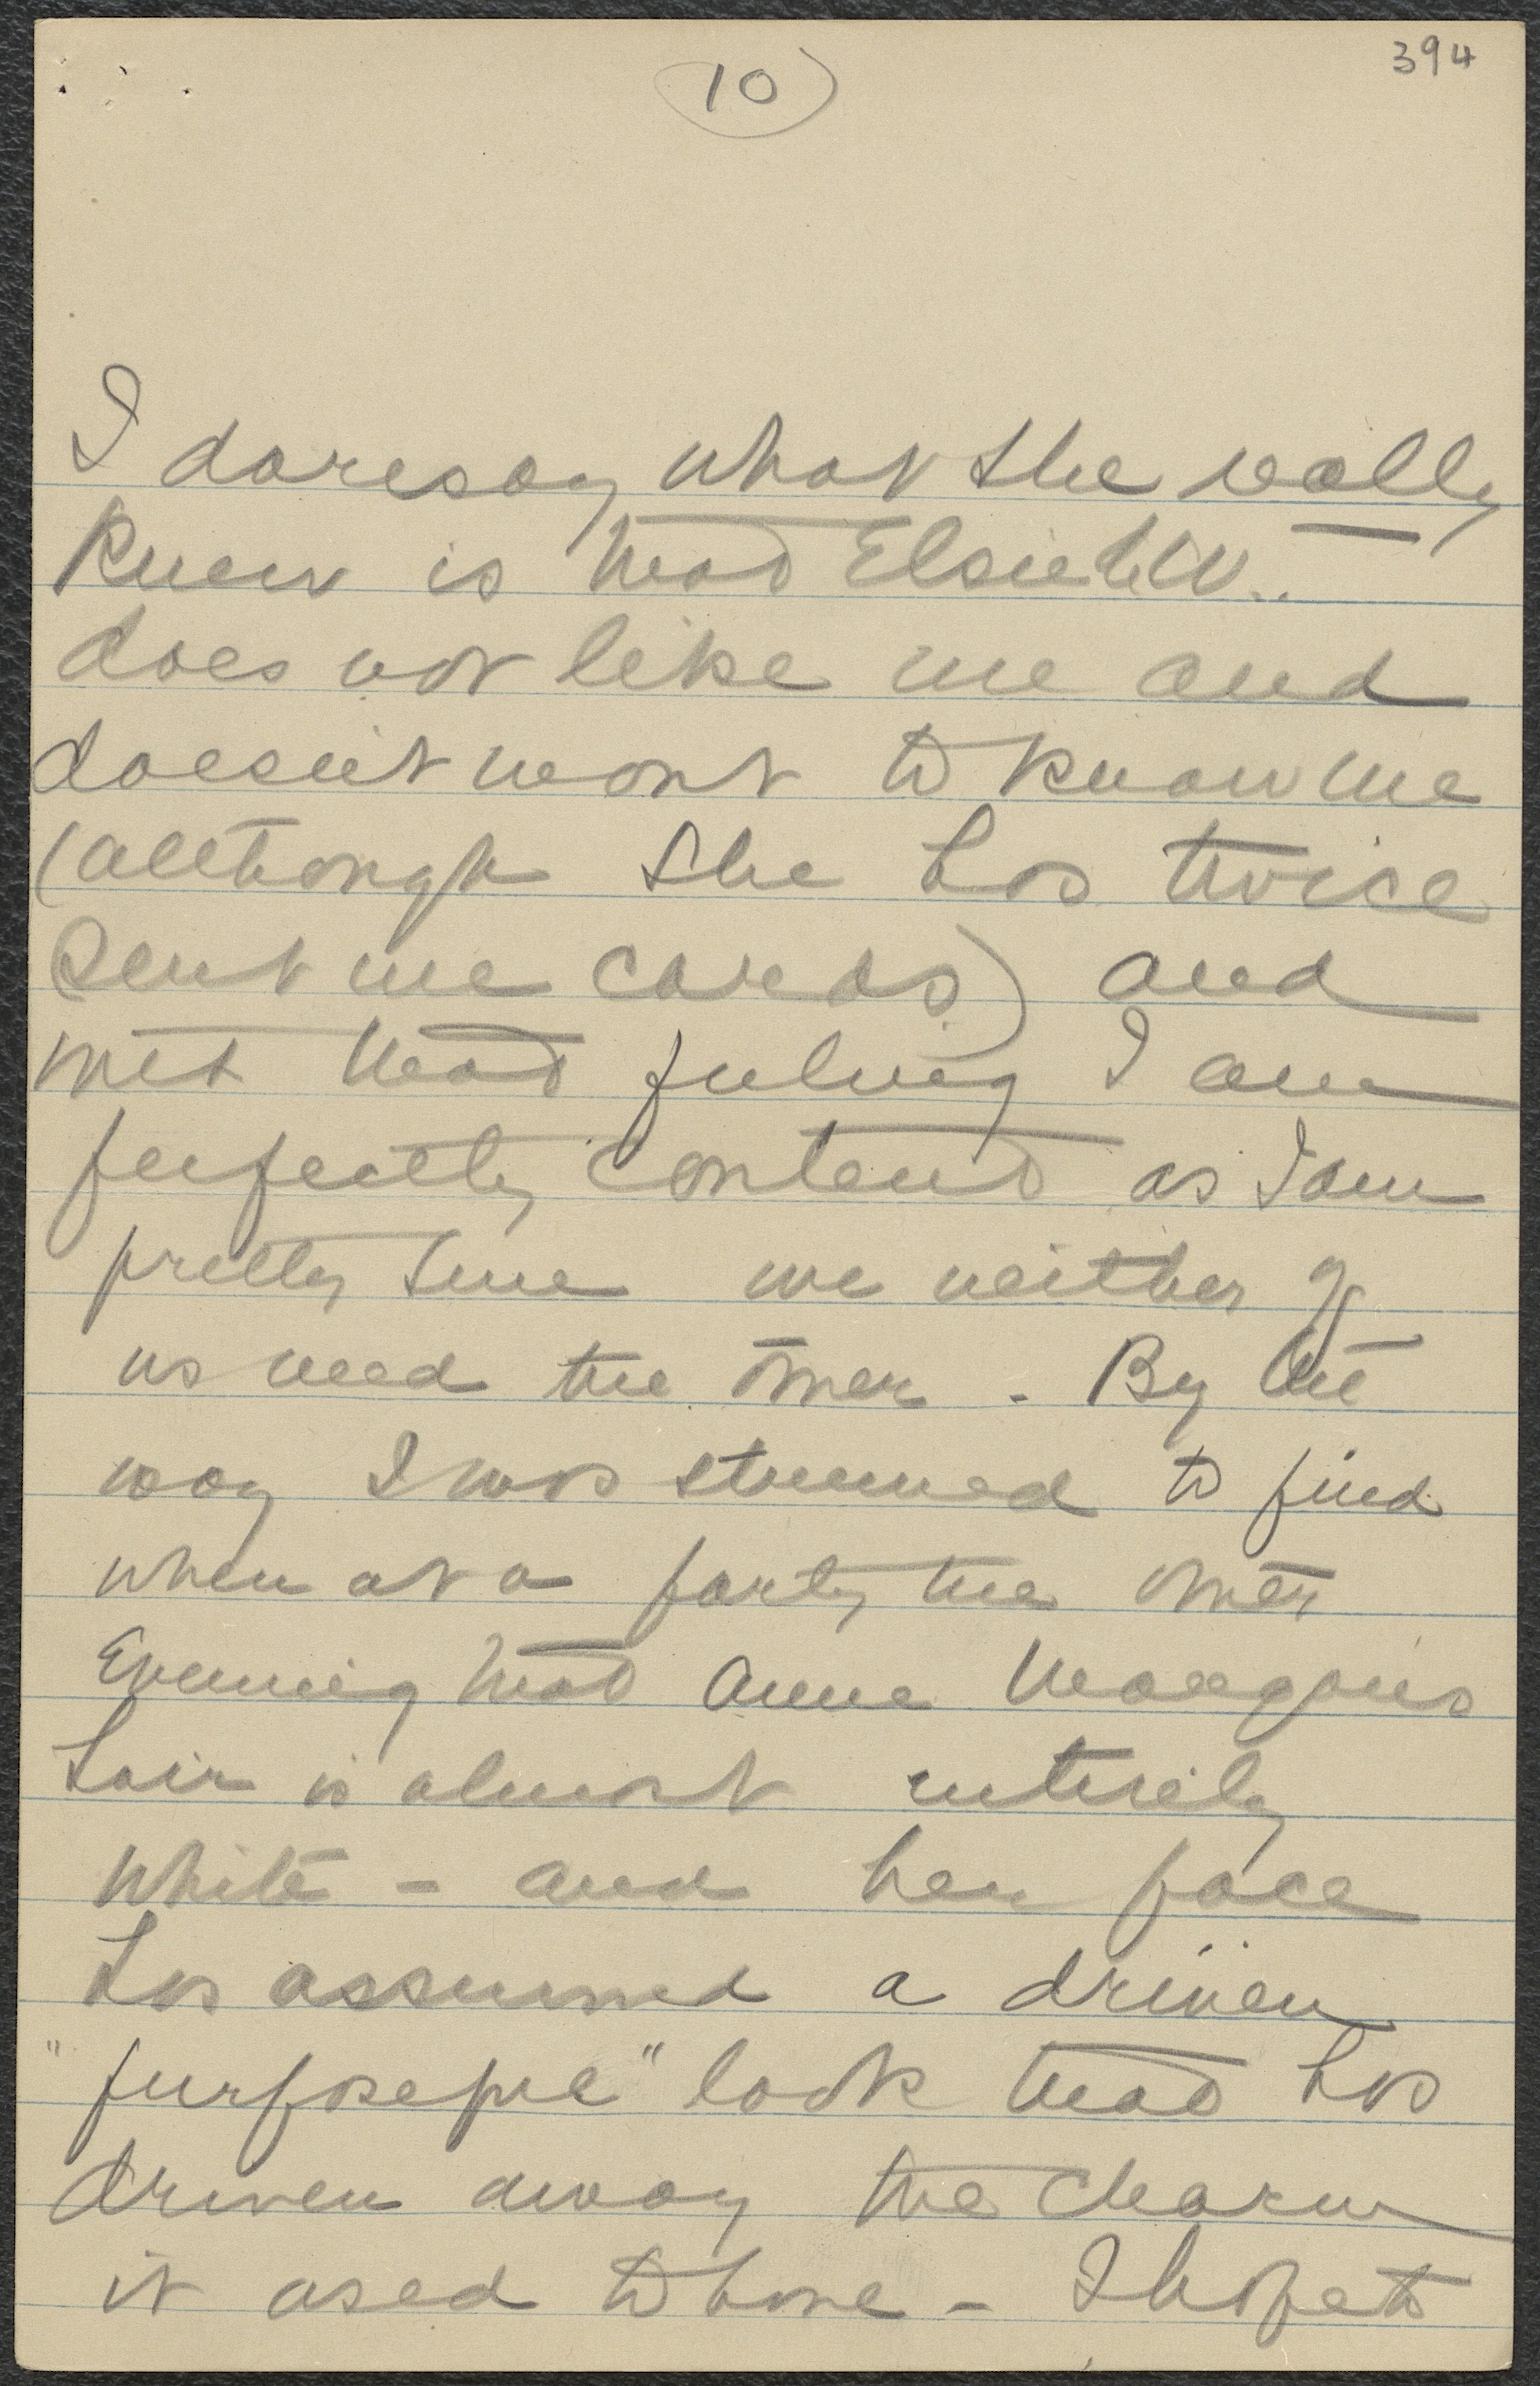I daresay what she really knew is that Elsie d W. does not like me and doesn’t want to know me (although she has twice sent me cards) and with that feeling I am perfectly content as I am pretty sure we neither of us need the other. By the way I was stunned to find when at a party the other evening that Anne Morgan’s hair is almost entirely white – and her face has assumed a driven “purposeful” look that has driven away the charm it used to have – I hope to